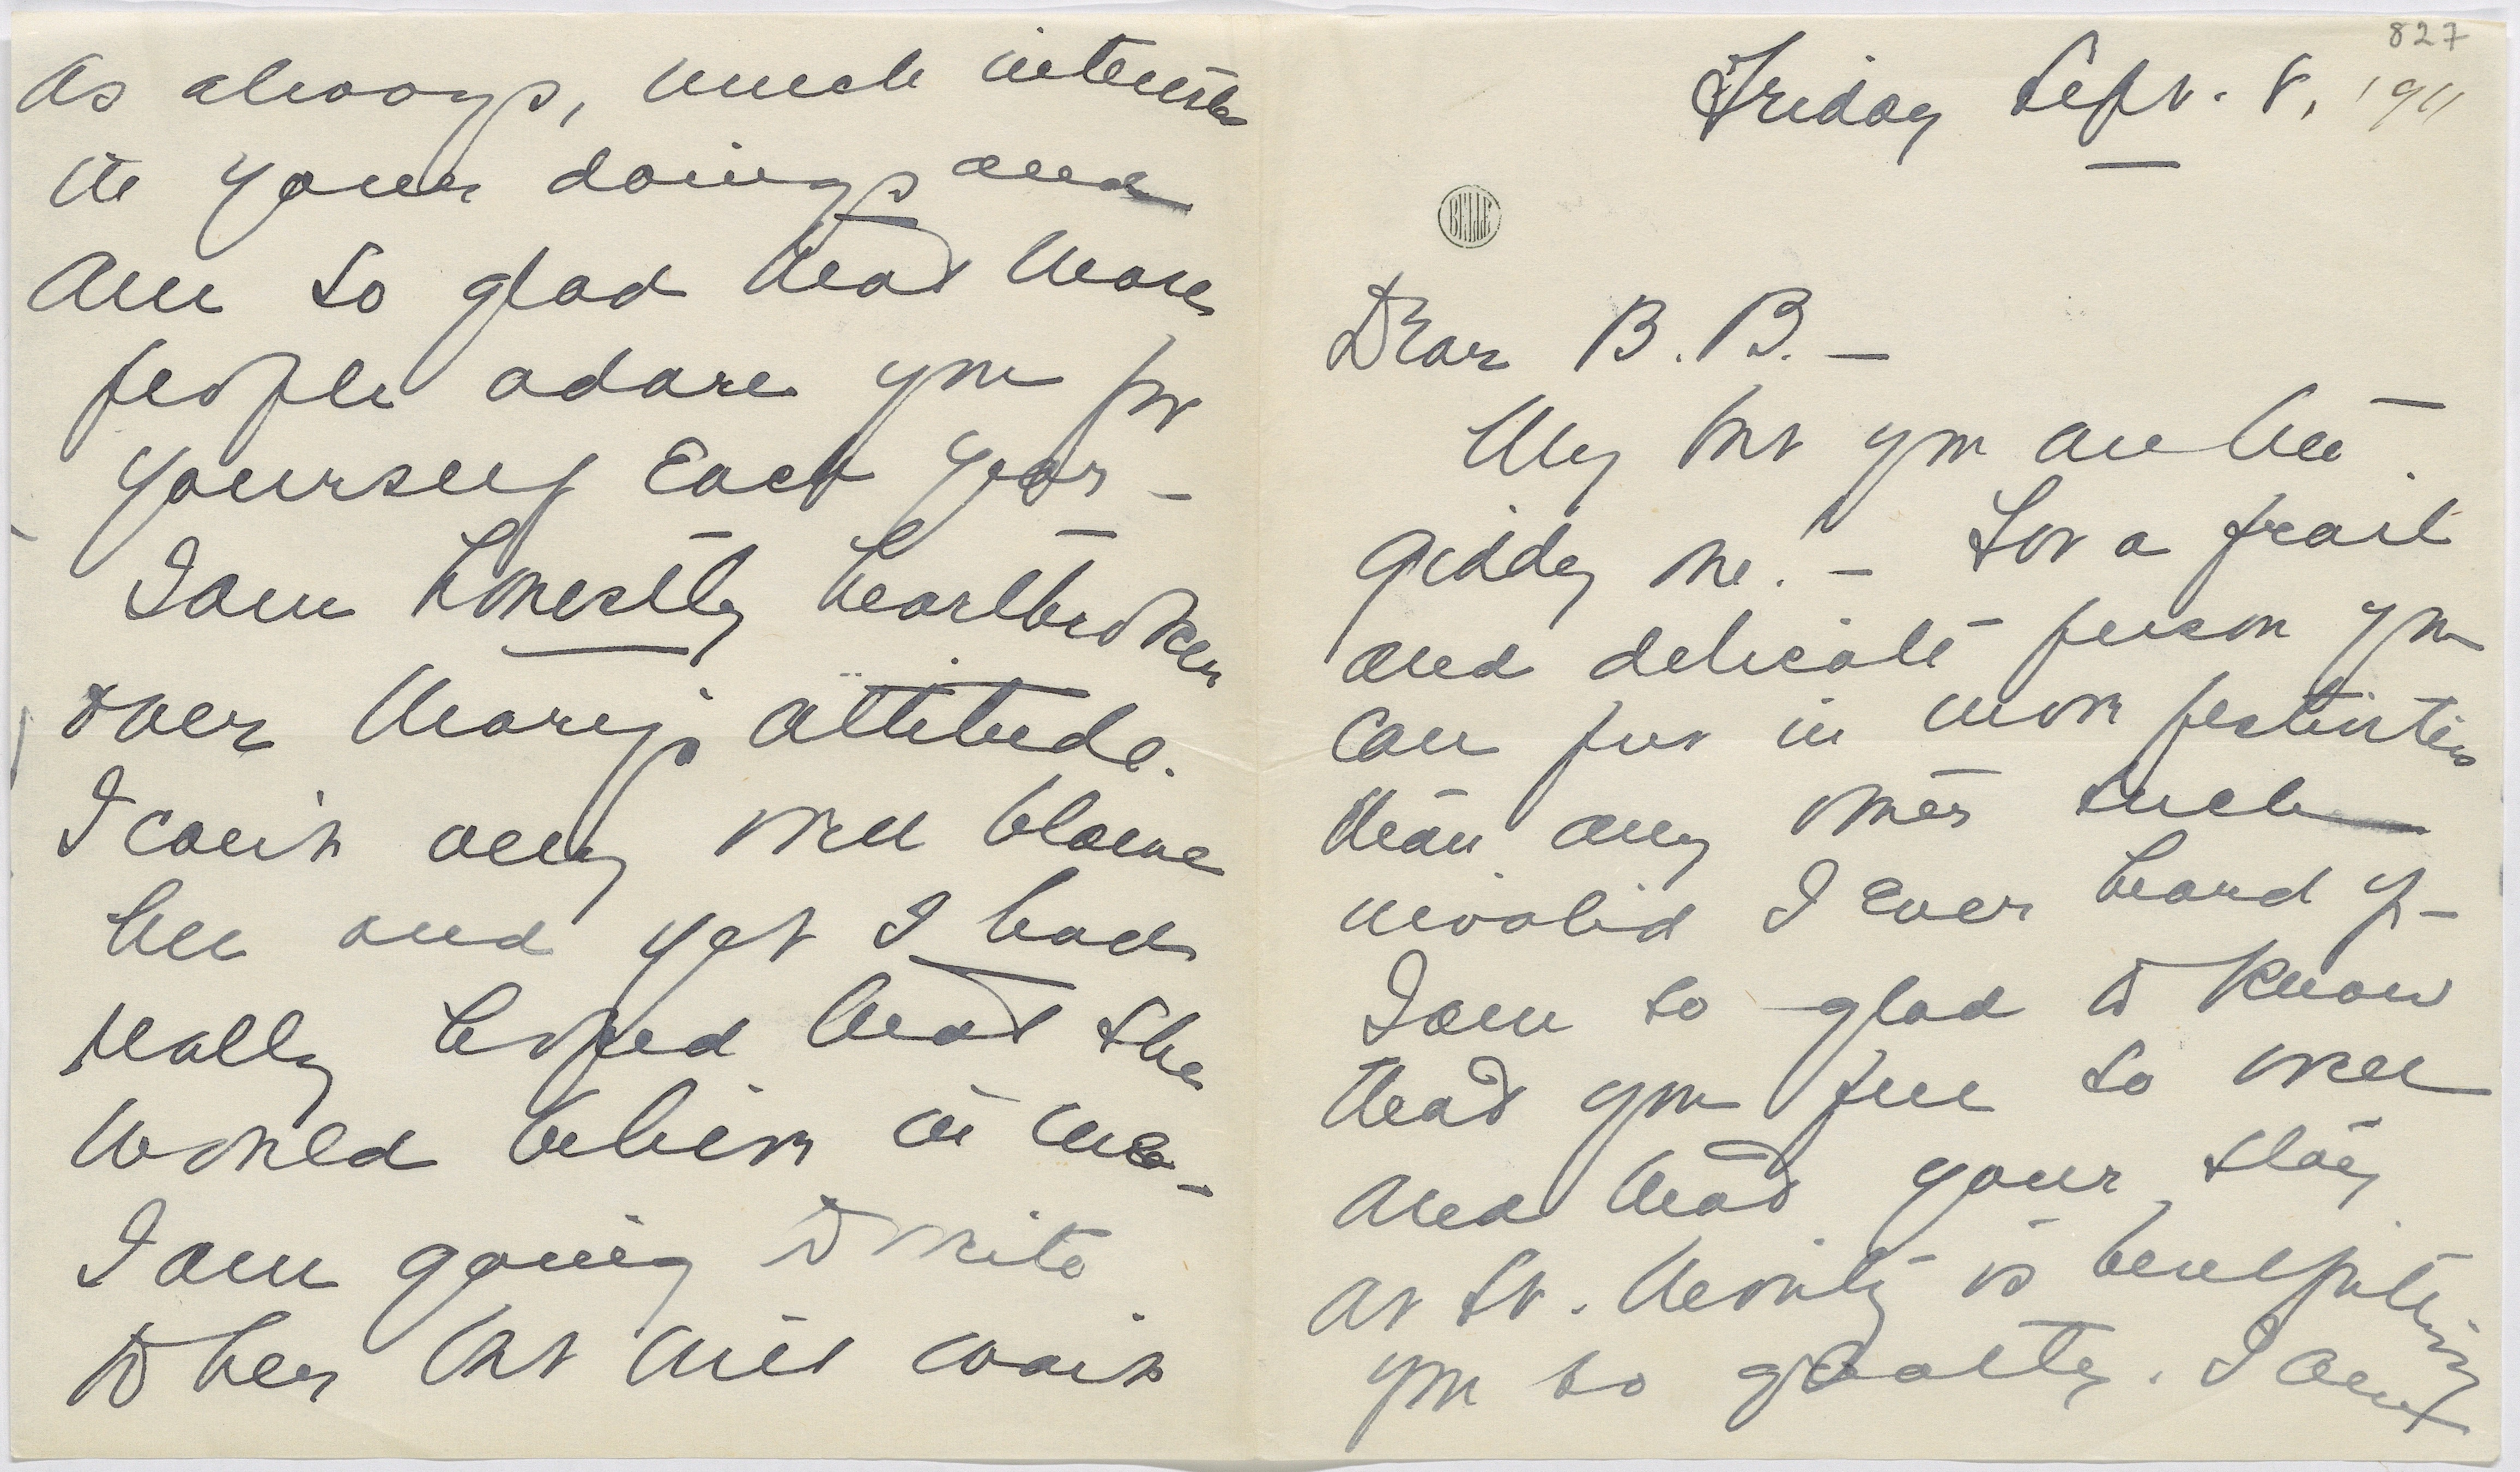Friday Sept. 8
Dear B. B. –
My but you are the giddy one. – For a frail and delicate person you can put in more festivties [sic] than any other such invalid I ever heard of –
I am so glad to know that you feel so well and that your stay at St. Moritz is benefitting you so greatly. I am
as always, much interested in your doings and am so glad that more people adore you for yourself each year –
I am honestly heartbroken over Mary’s attitude. I can’t very well blame her and yet I had really hoped that she would believe in me – I am going to write to her but will wait